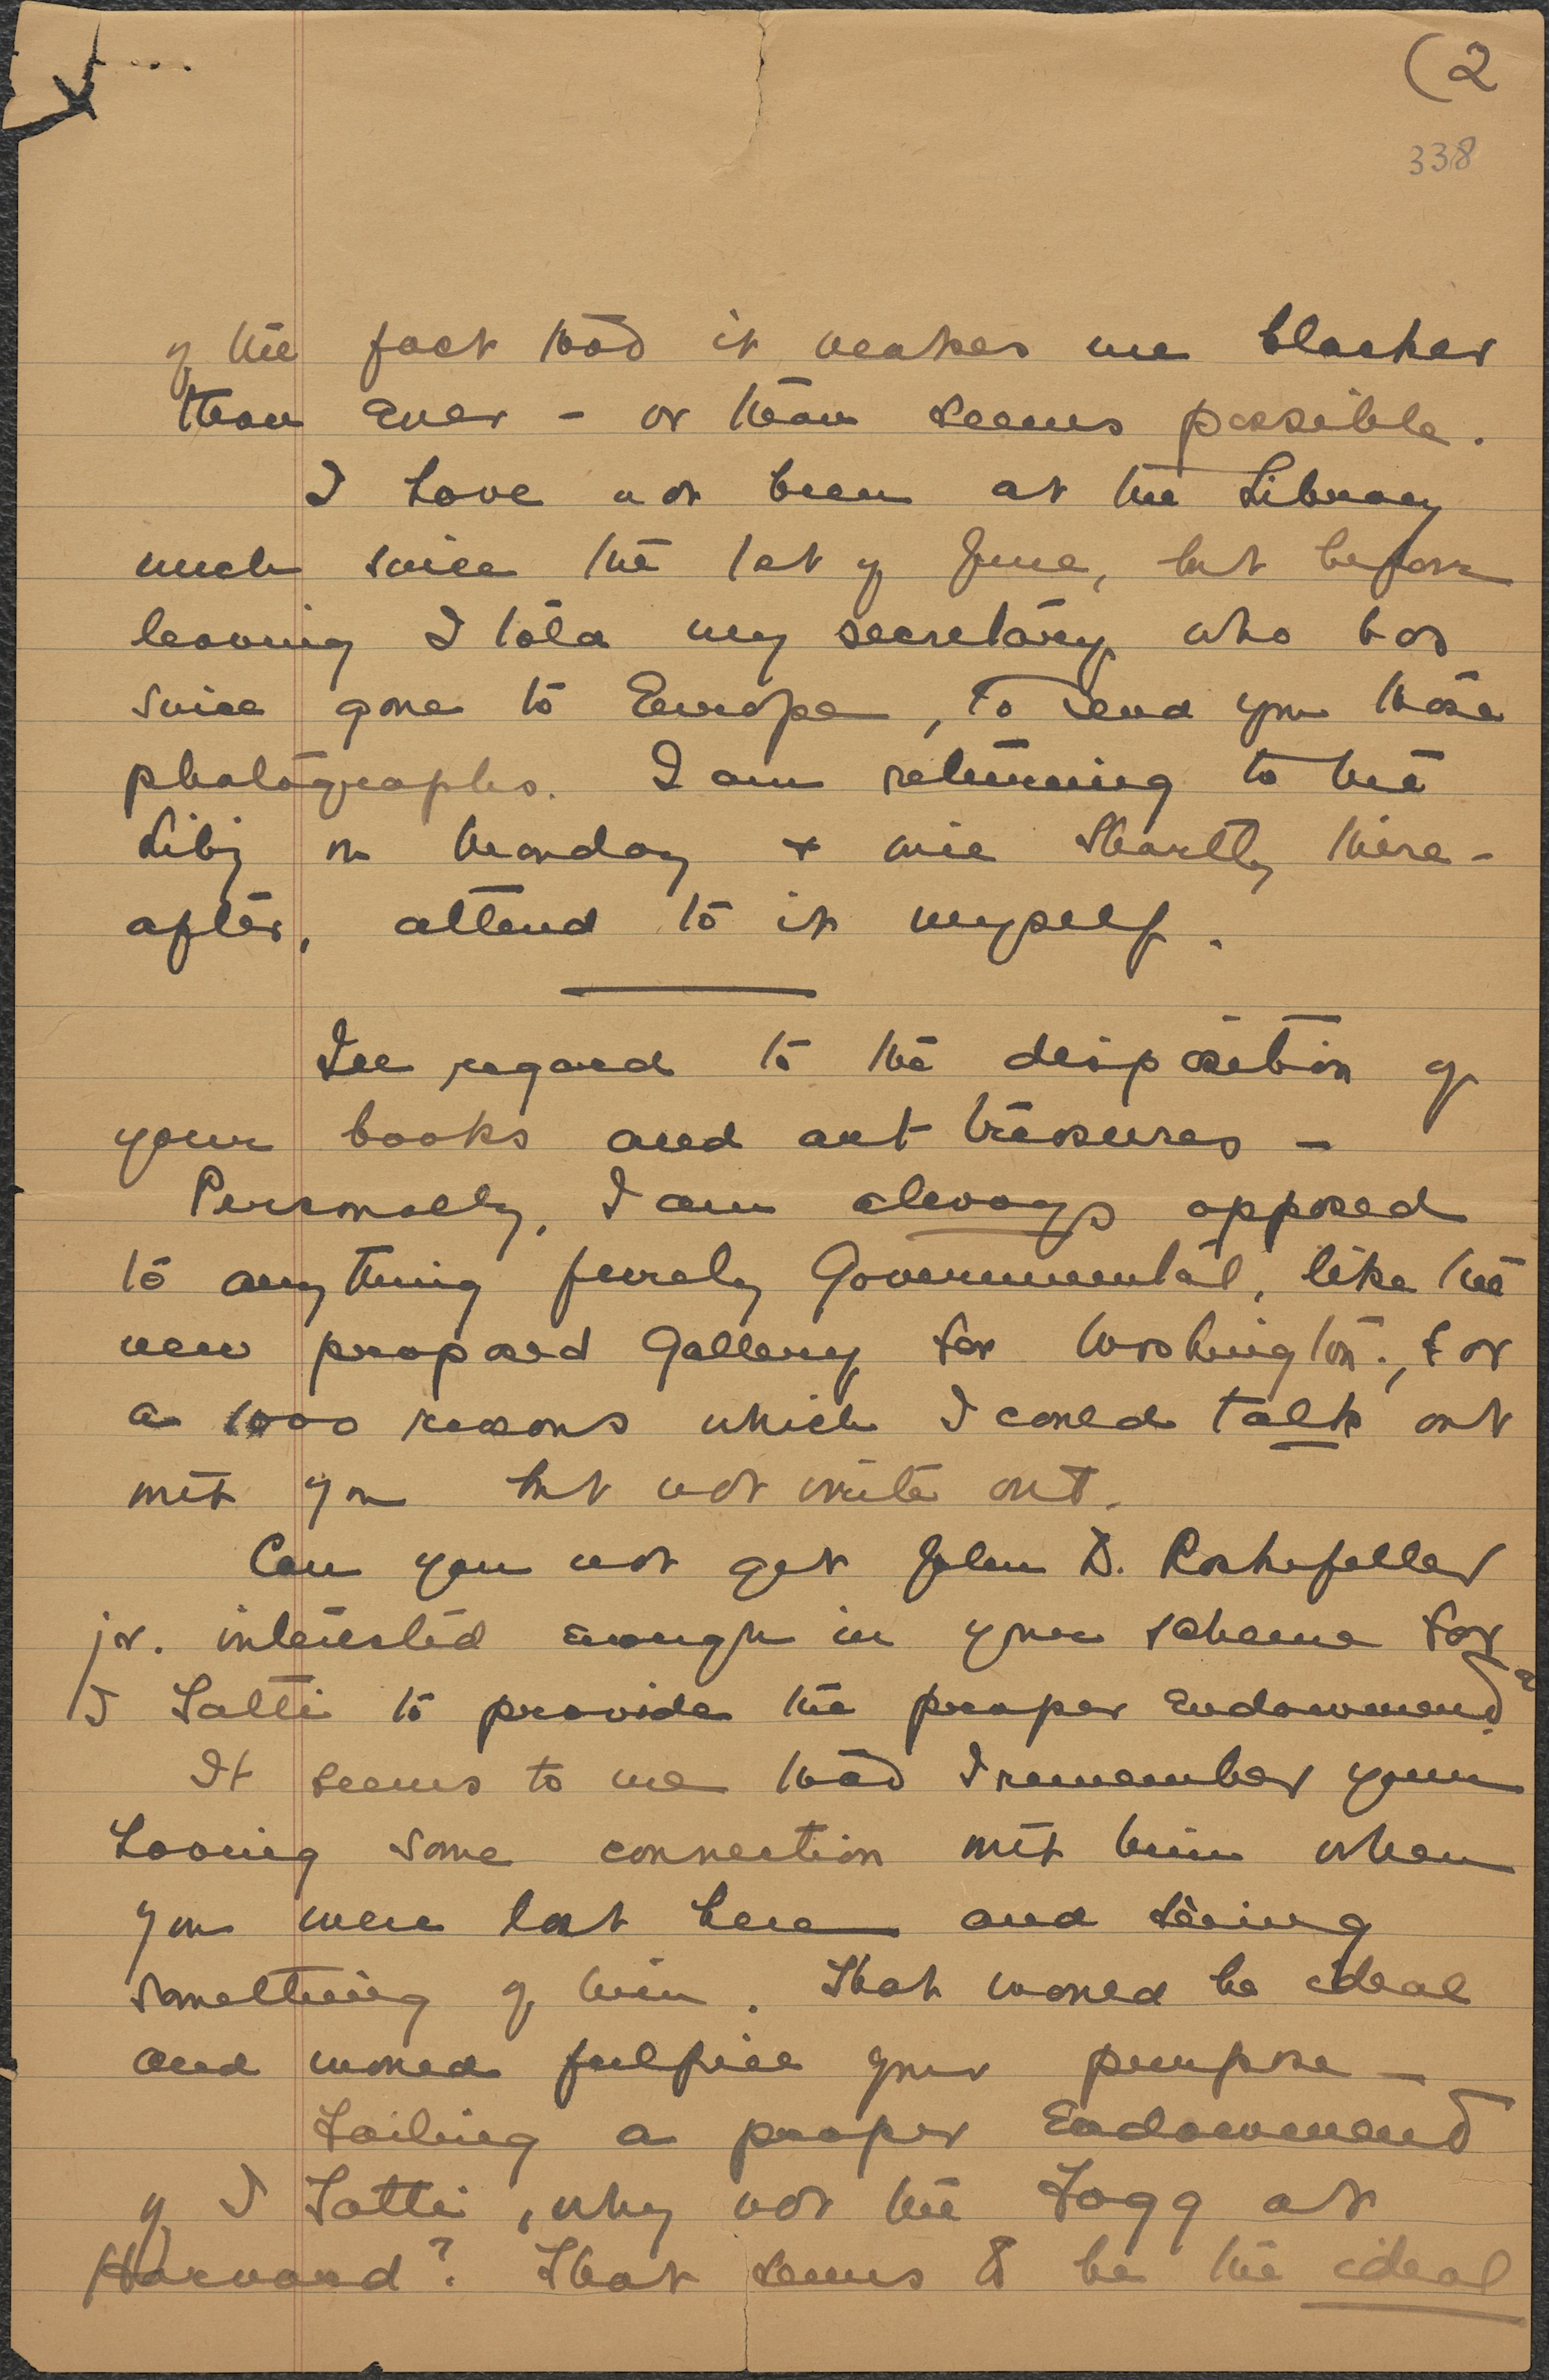(2
of the fact that it makes me blacker than ever – or than seems possible.
I have not been at the Library much since the 1st of June, but before leaving I told my secretary who has since gone to Europe, to send you those photographs. I am returning to the Libiy [sic] on Monday & will shortly thereafter, attend to it myself.
In regard to the disposition of your books and art treasures –
Personally, I am always opposed to anything purely Governmental, like the new proposed Gallery for Washington, for a 1000 reasons which I could talk out with you but not write out.
Can you not get John D. Rockefeller jr. interested enough in your scheme for I Tatti to provide the proper Endowment?
It seems to me that I remember your having some connection with him when you were last here and seeing something of him. That would be ideal and would fulfill your purpose –
Failing a proper Endowment of I Tatti, why not the Fogg at Harvard? That seems to be the ideal